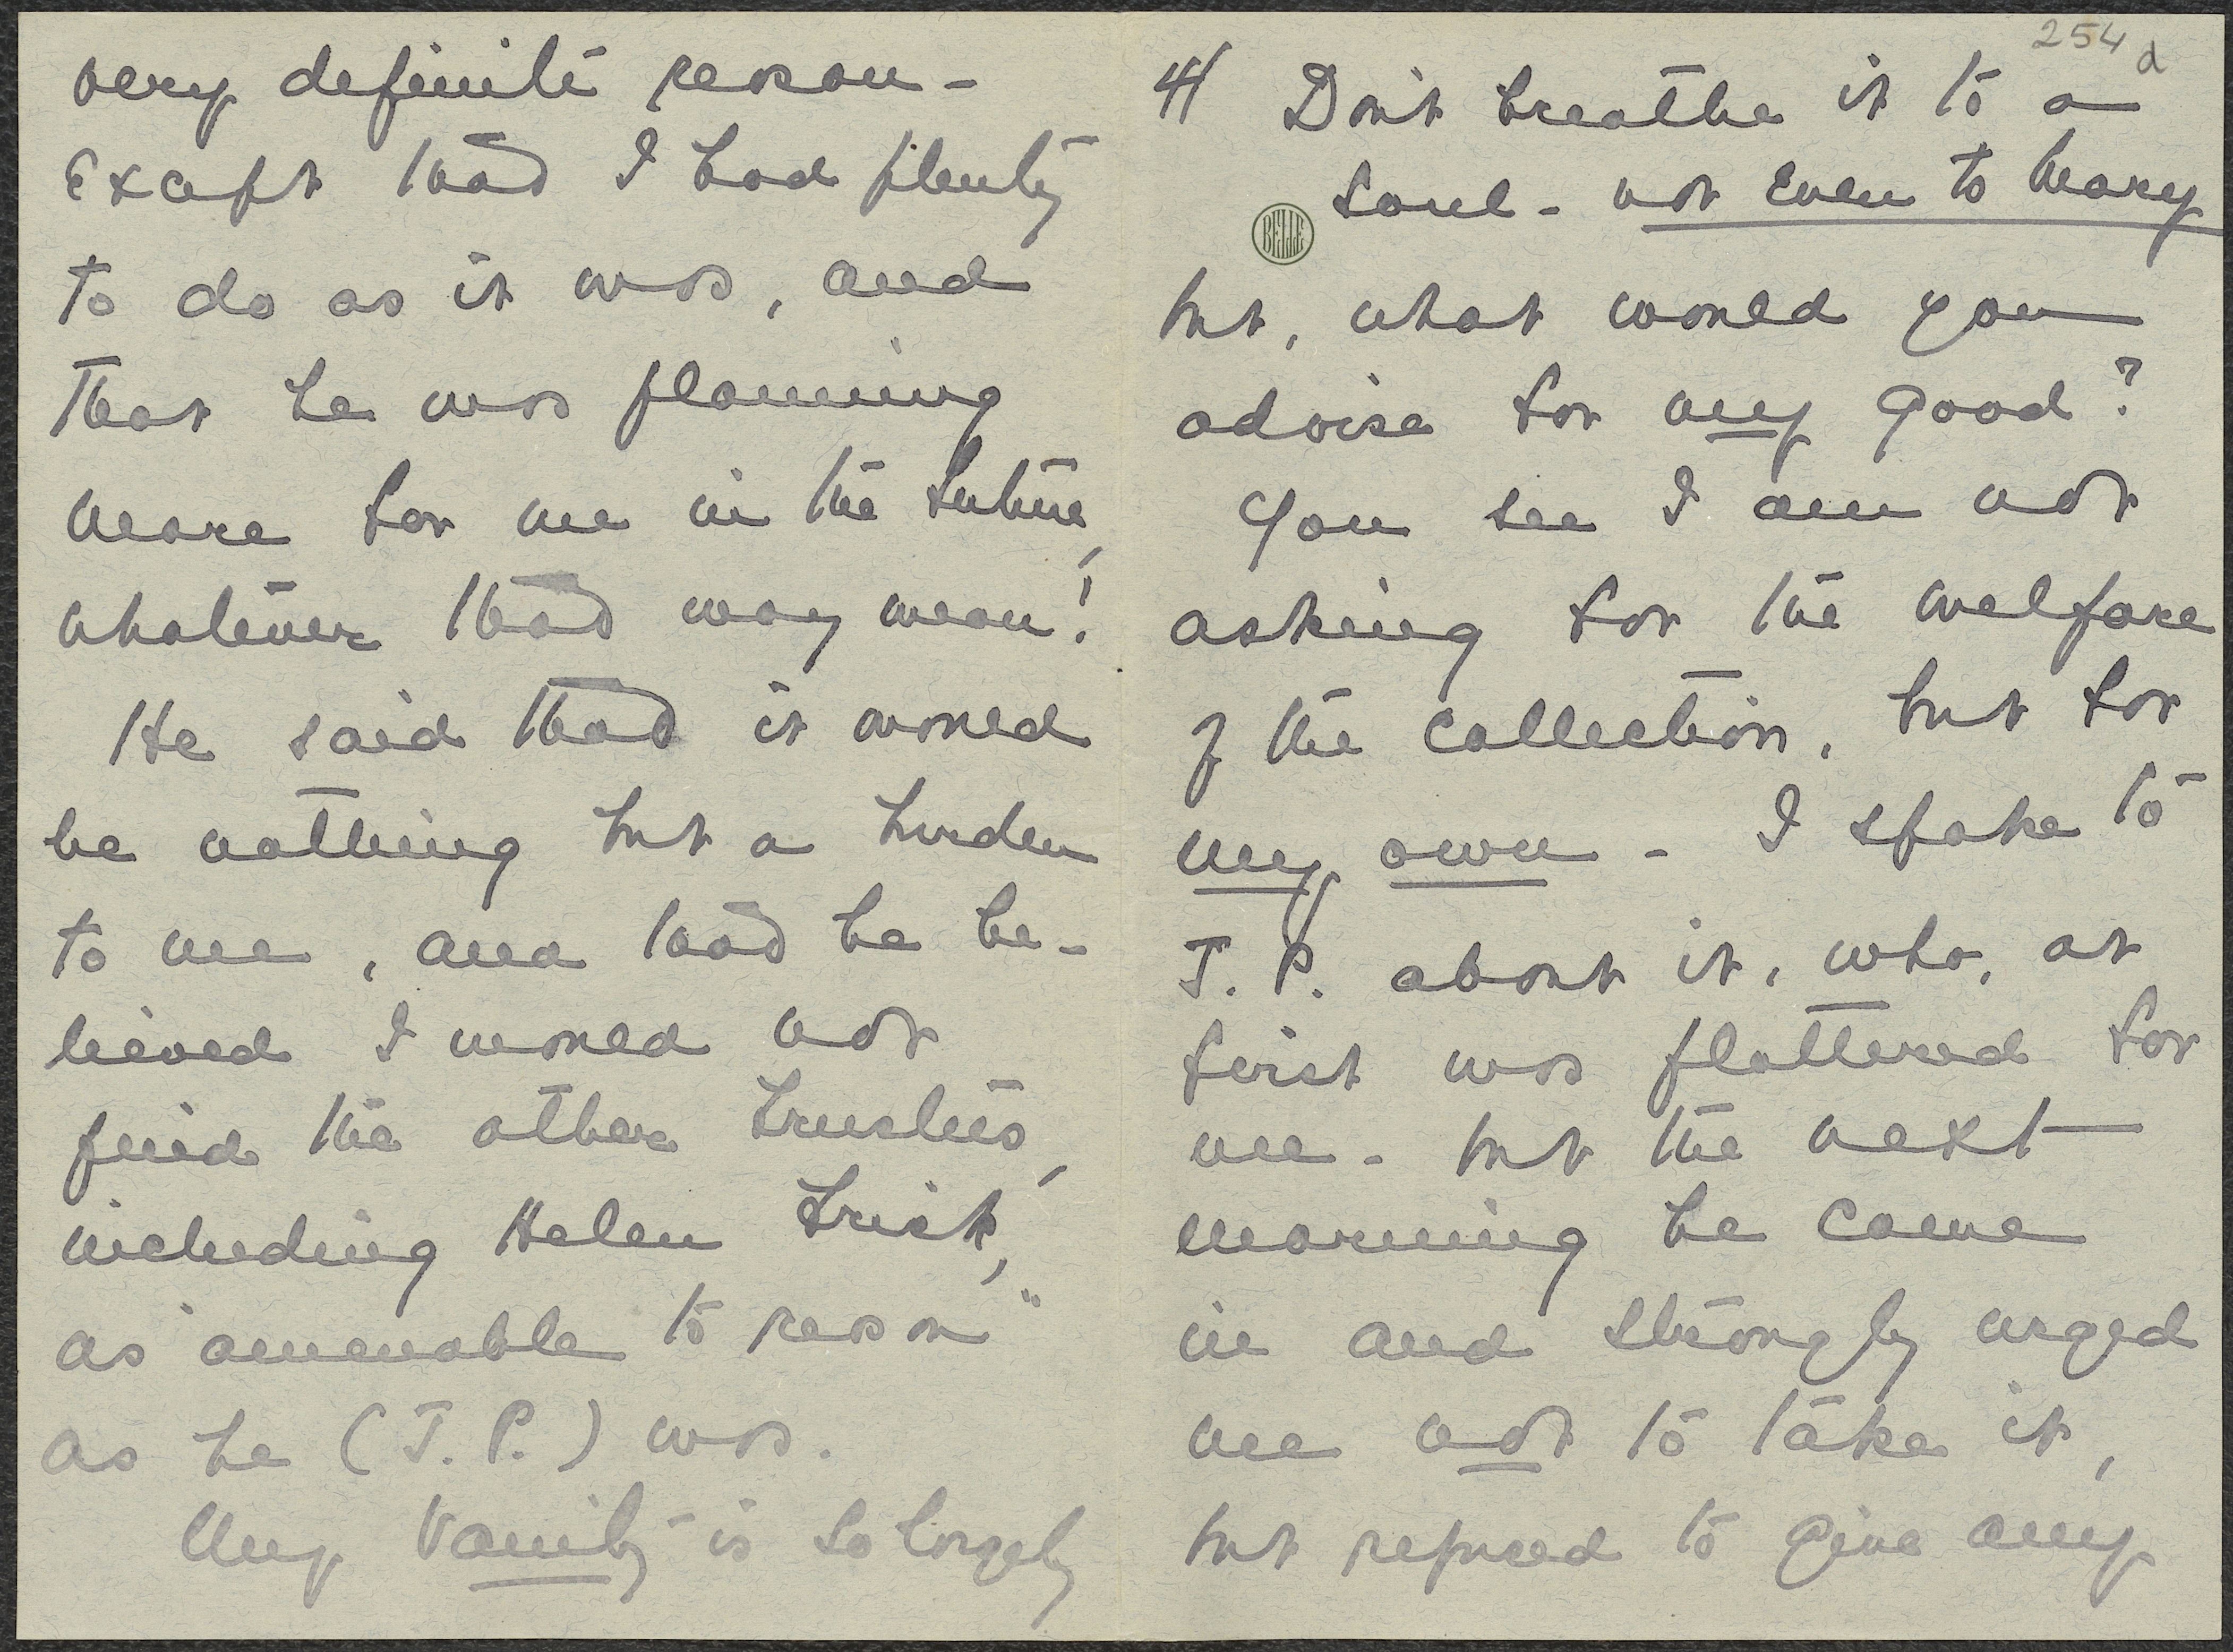4/
Don’t breathe it to a soul – not even to Mary but, what would you advise for my good?
You see I am not asking for the welfare of the collection, but for my own – I spoke to J. P. about it, who at first was flattered for me – but the next morning he came in and strongly urged me not to take it, but refused to give any
very definite reason – except that I had plenty to do as it was, and that he was planning more for me in the future, whatever that may mean!
He said that it would be nothing but a burden to me, and that he believed I would not find the other Trustees, including Helen Frick, as “amenable to reason” as he (J. P.) was.
My vanity is so largely